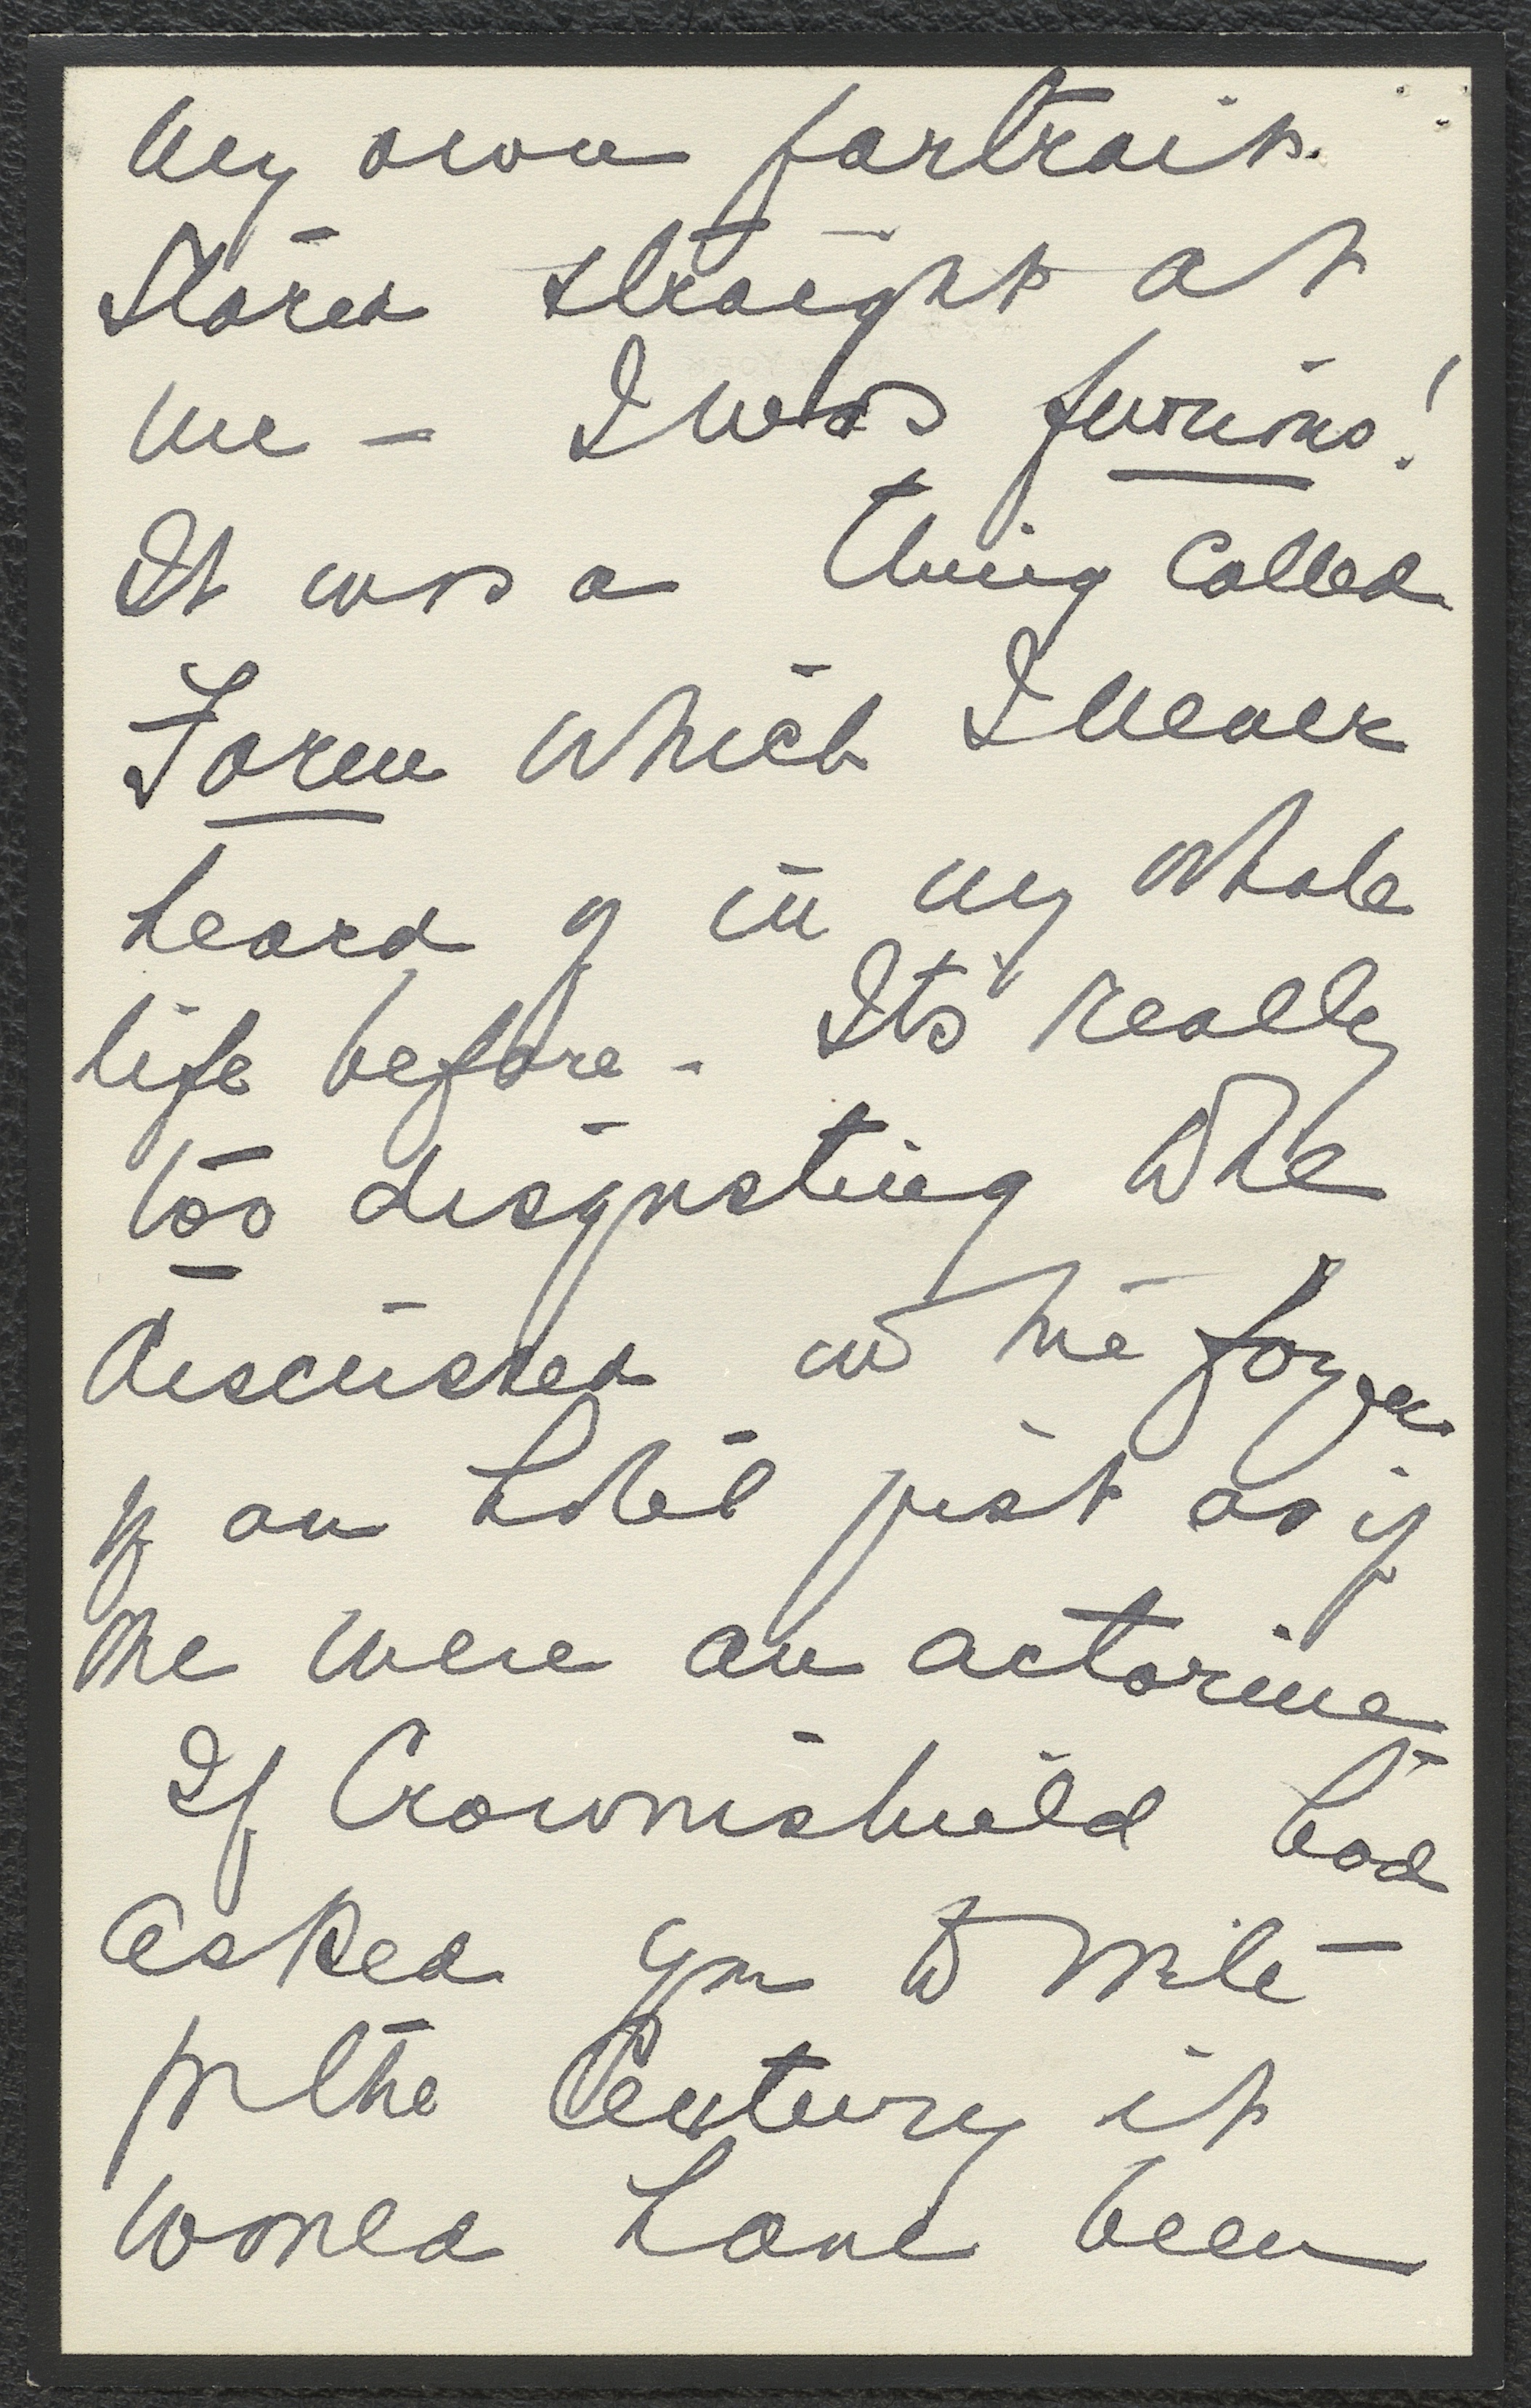My own portrait stared straight at me – I was furious! It was a thing called Form which I never heard of in my whole life before. It’s really too disgusting to be discussed in the foyer of a hotel just as if one were an actorine
If Crowninsheild had asked you to write for the Century it would have been